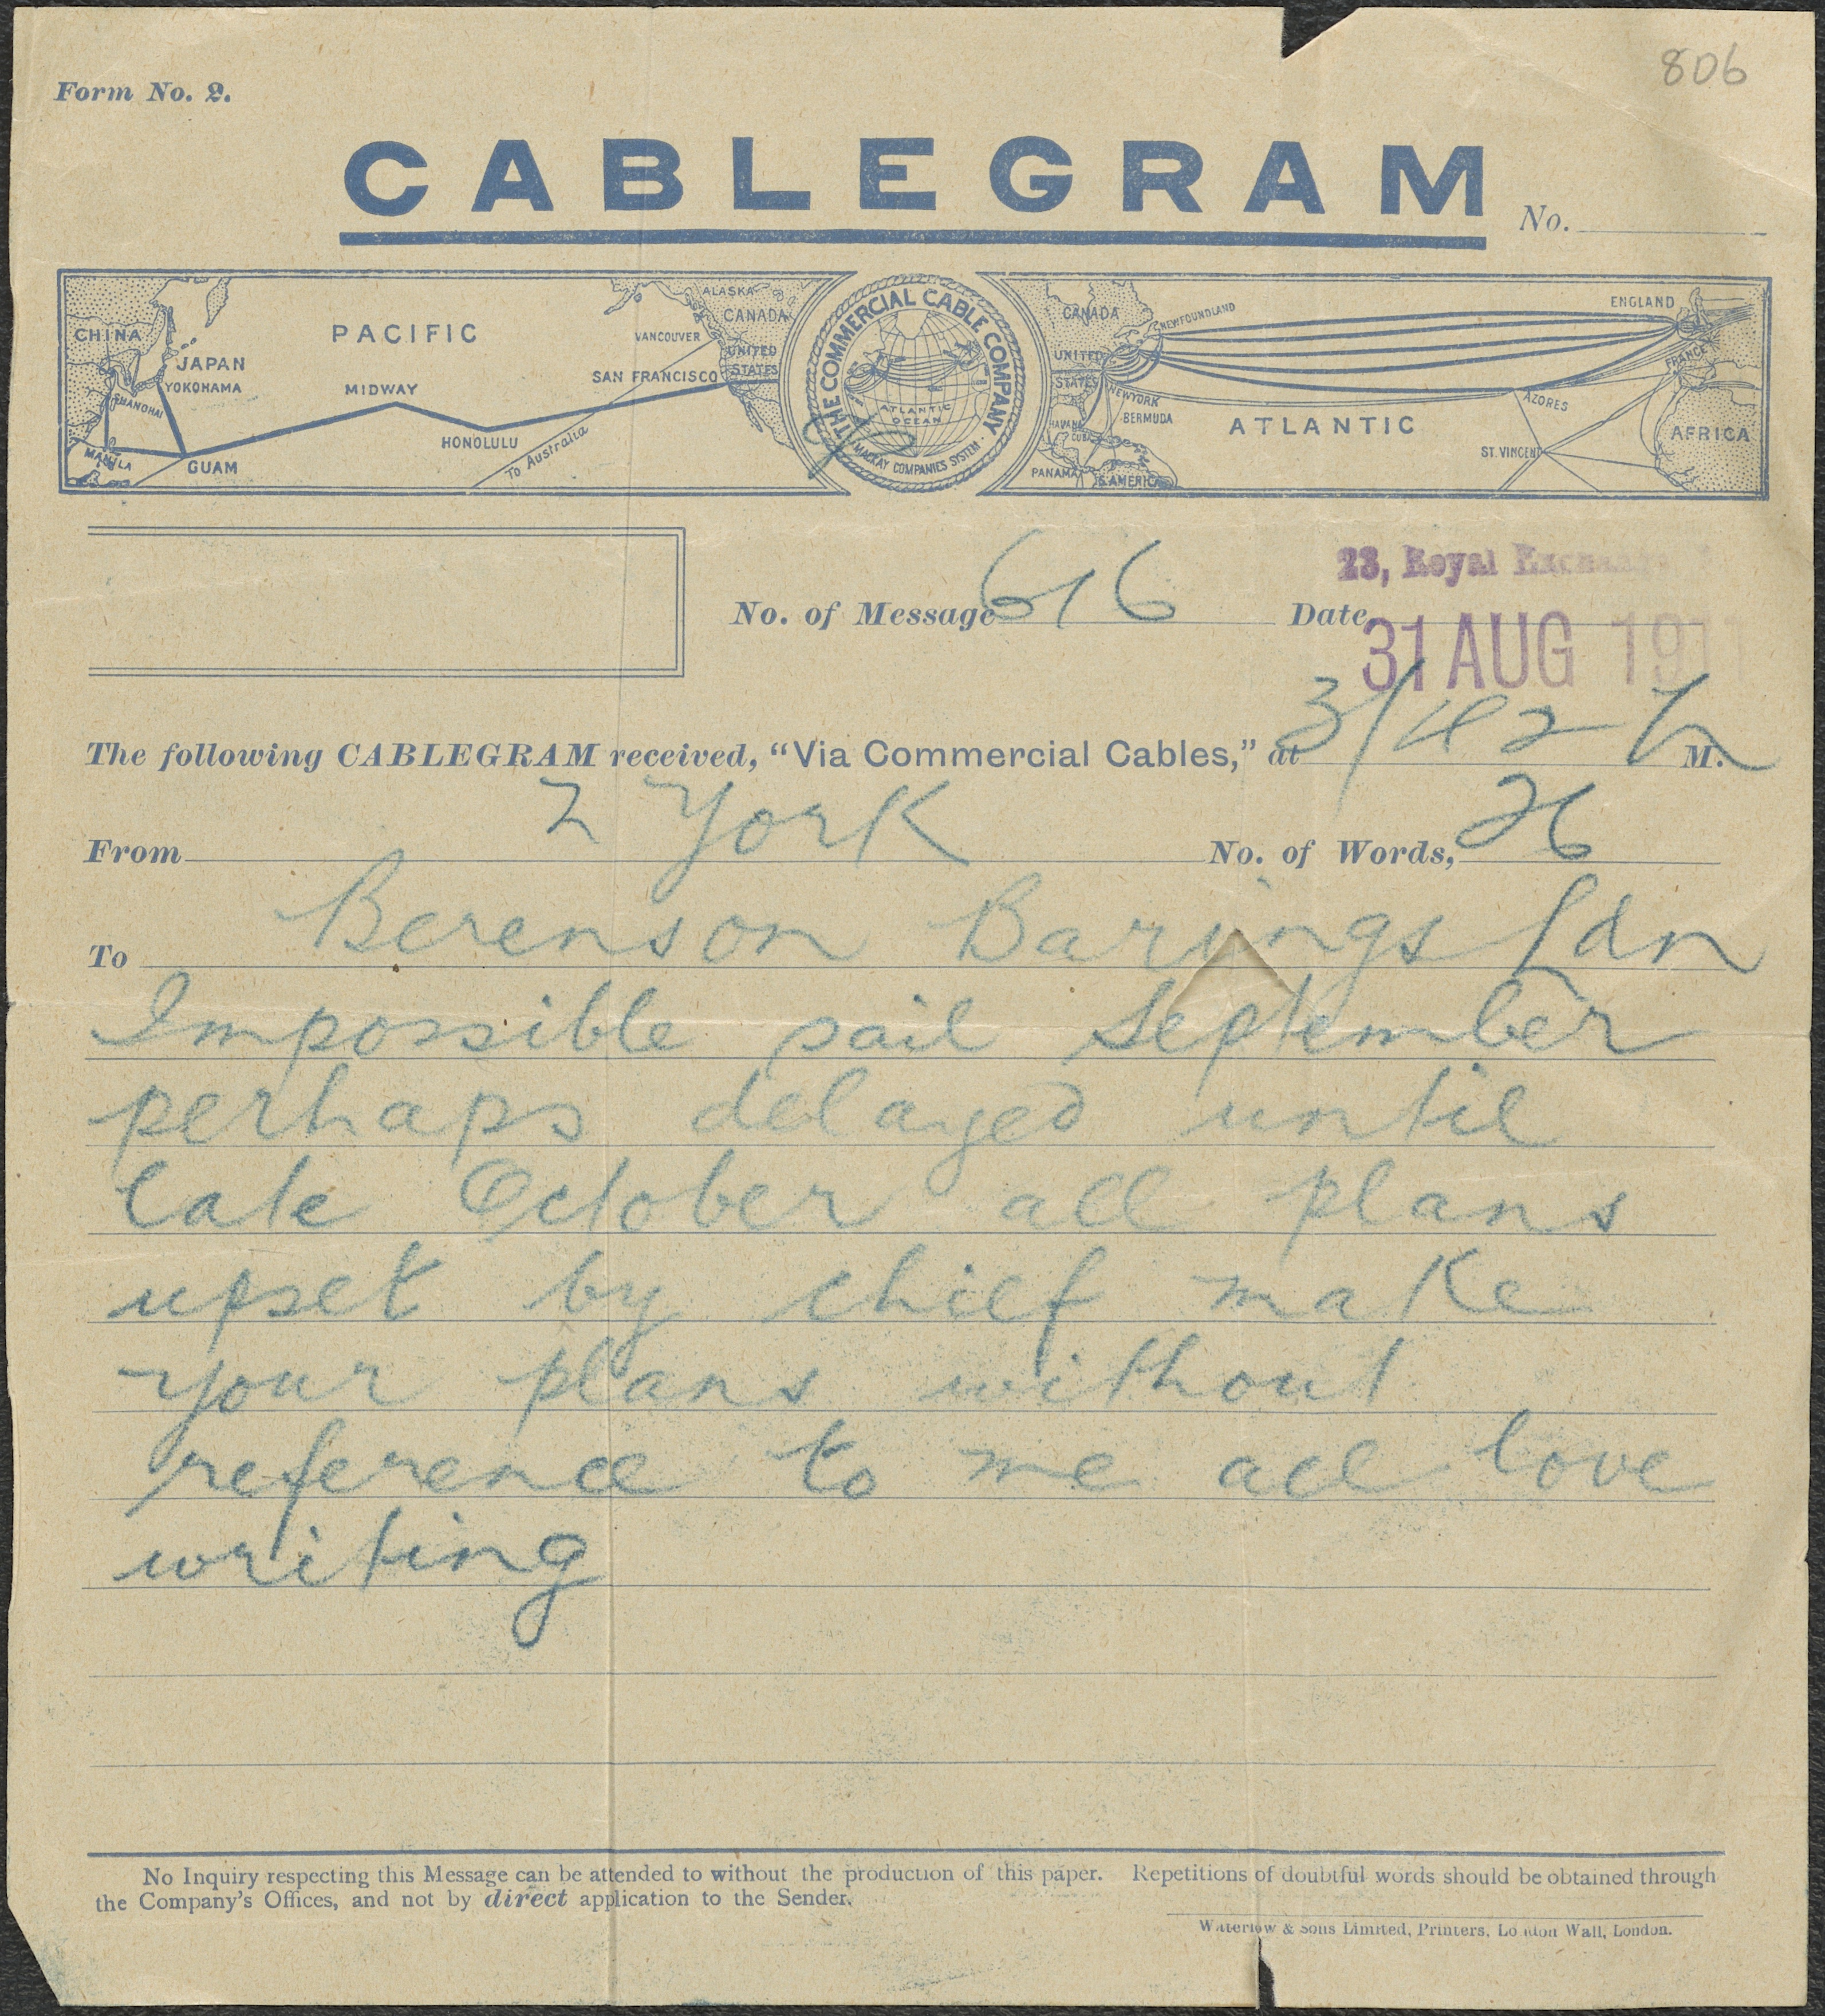Berenson Barings Ldn
Impossible sail September perhaps delayed until late October all plans upset by chief make your plans without reference to me all love writing